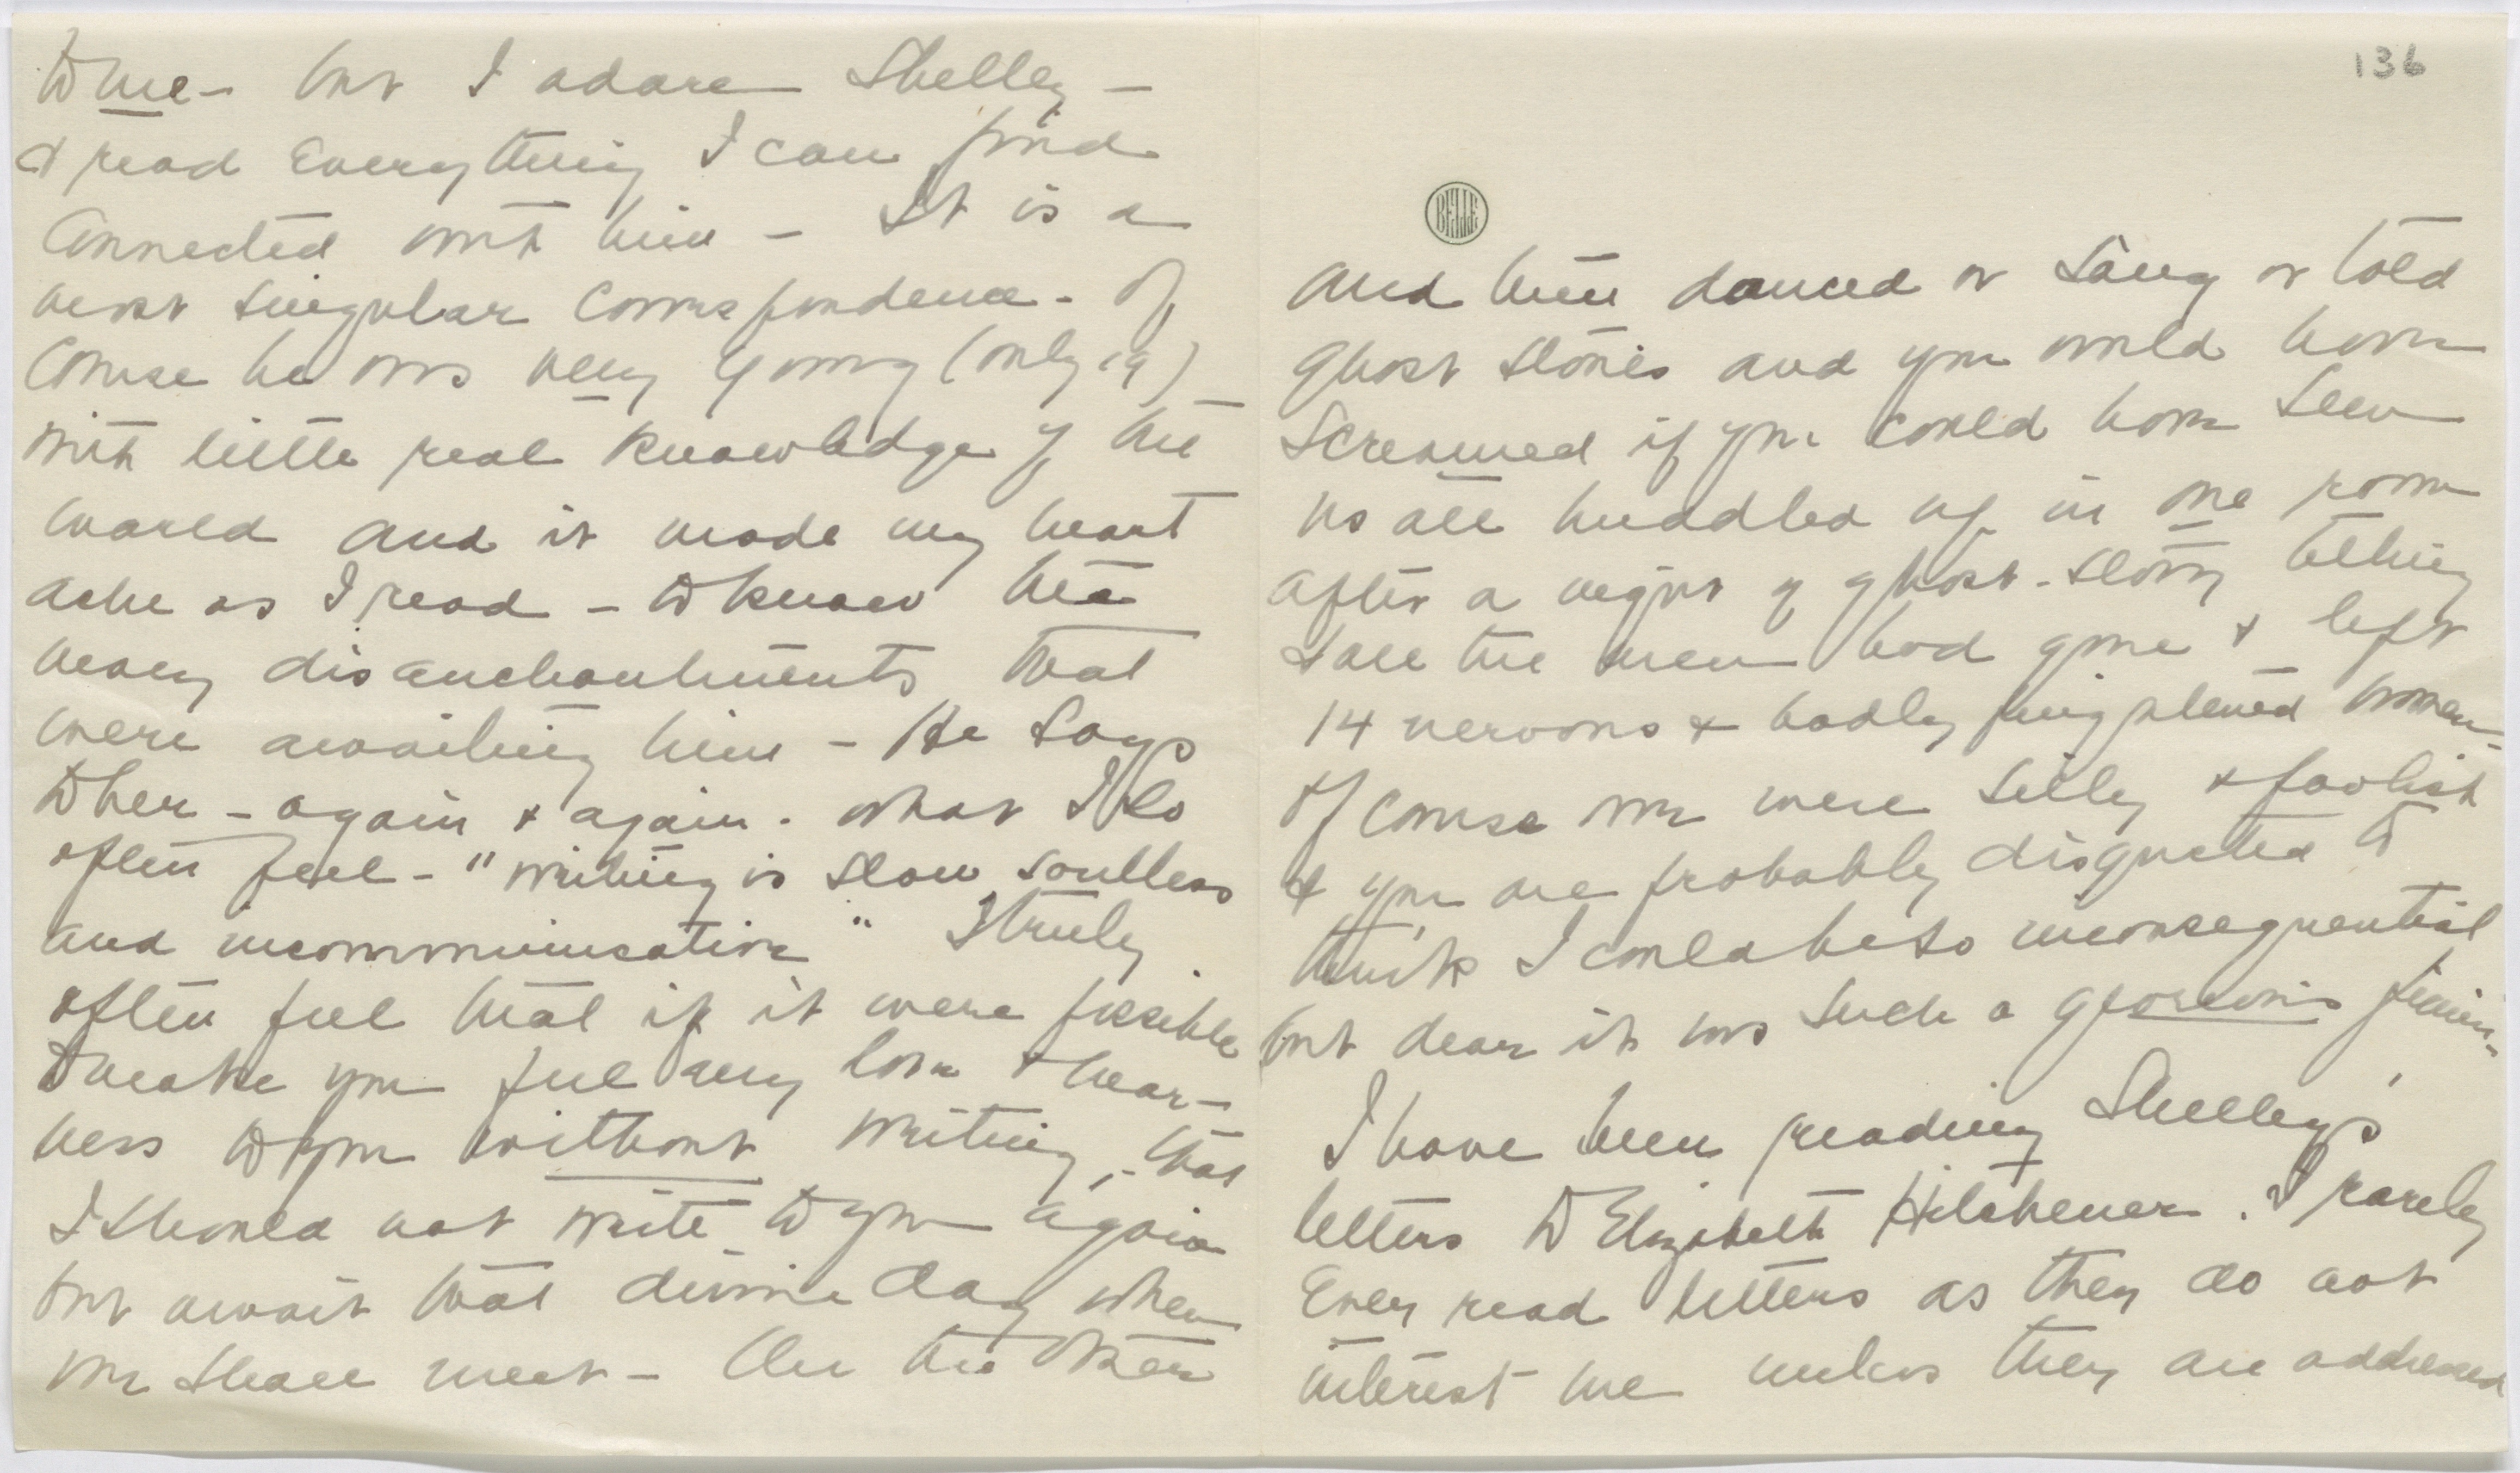and then danced or sang or told ghost stories and you would have screamed if you could have seen us all huddled up in one room after a night of ghost-story telling & all the men had gone & left 14 nervous & badly frightened women – Of course we were silly & foolish & you are probably disgusted to think I could be so inconsequential but dear it was such a glorious finier –
I have been reading Shelley’s letters to Elizabeth Hitchener. I rarely ever read letters as they do not interest me unless they are addressed
to me – but I adore Shelley – & read everything I can find connected with him – It is a most singular correspondence – of course he was very young (only 19) with little real knowledge of the world and it made my heart ache as I read – to know the many disenchantments that were awaiting him – He says to her – again & again – what I so often feel – “writing is slow soulless and uncommunicative” I truly often feel that if it were possible to make you feel my love & nearness to you without writing, that I should not write to you again but await that divine day when we shall meet – On the other